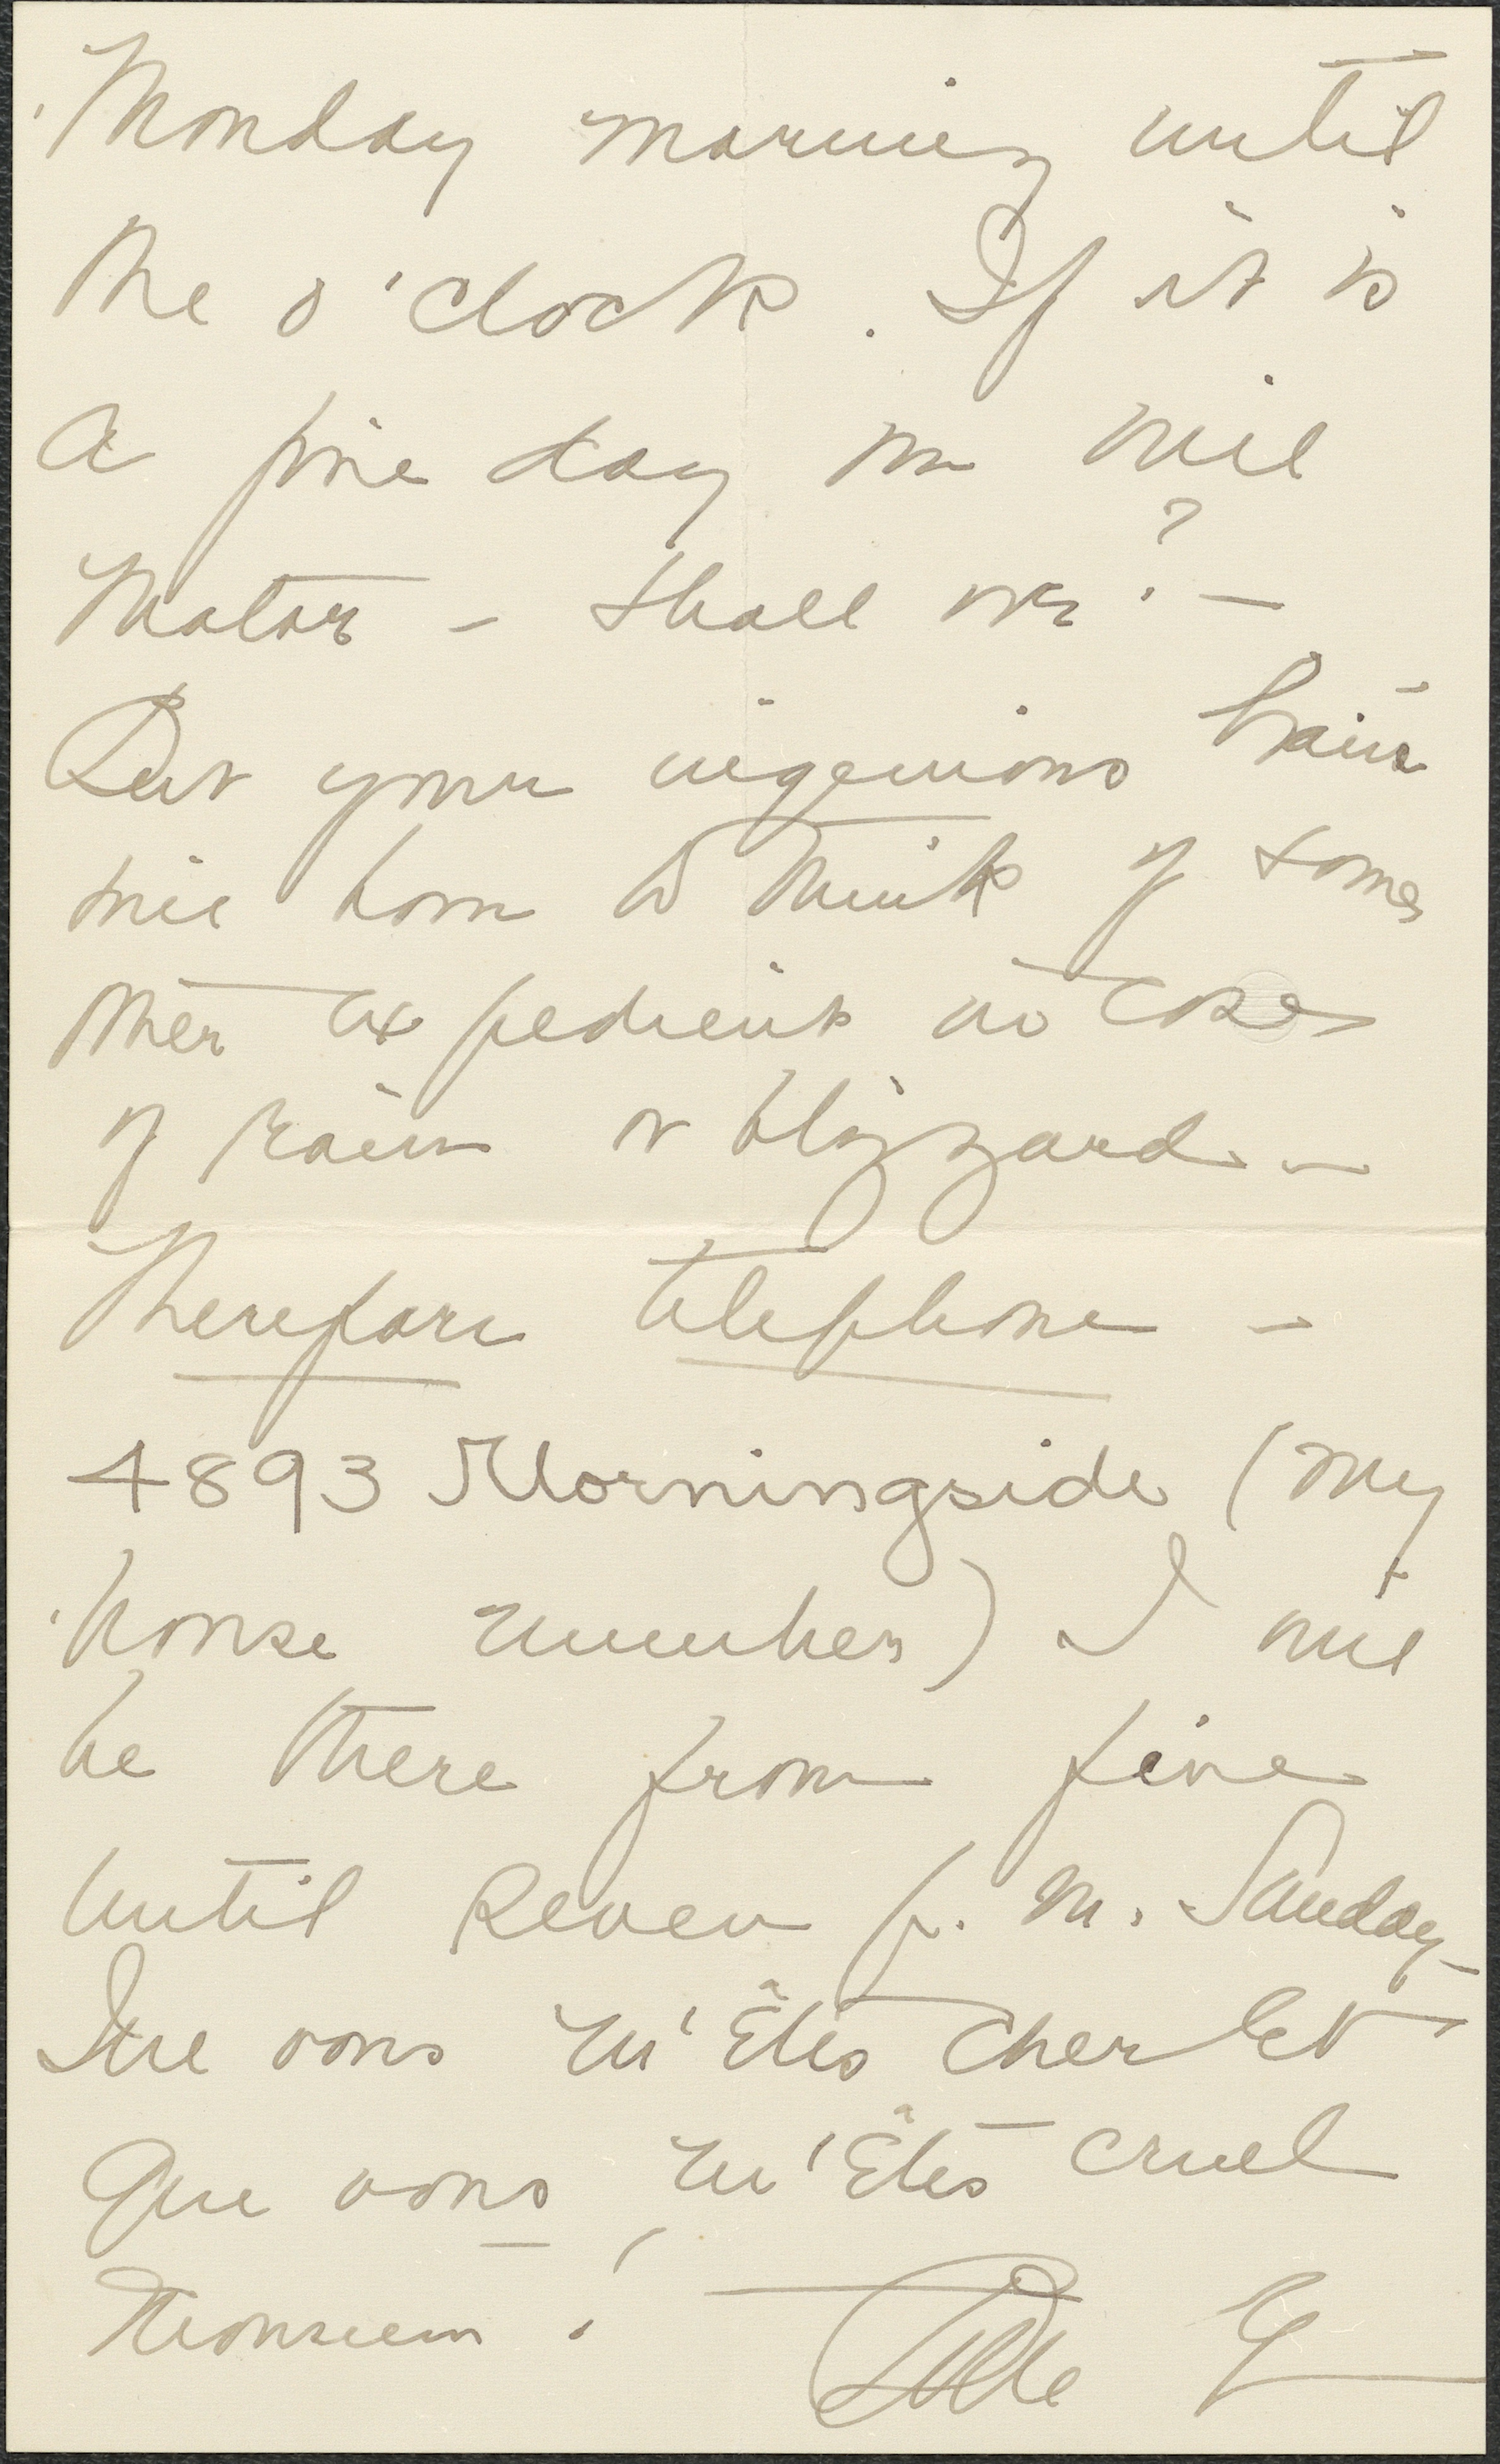Monday morning until one o’clock. If it is a fine day we will motor – shall we? – But your ingenious brain will have to think of some other expedient in case of rain or blizzard –
Therefore telephone –
[in secretarial script: 4893 Morningside] (my house number) I will be there from five until seven p. m. Sunday –
Que vous m’êtes cher et que vous m’êtes cruel
Monsieur!
Belle G